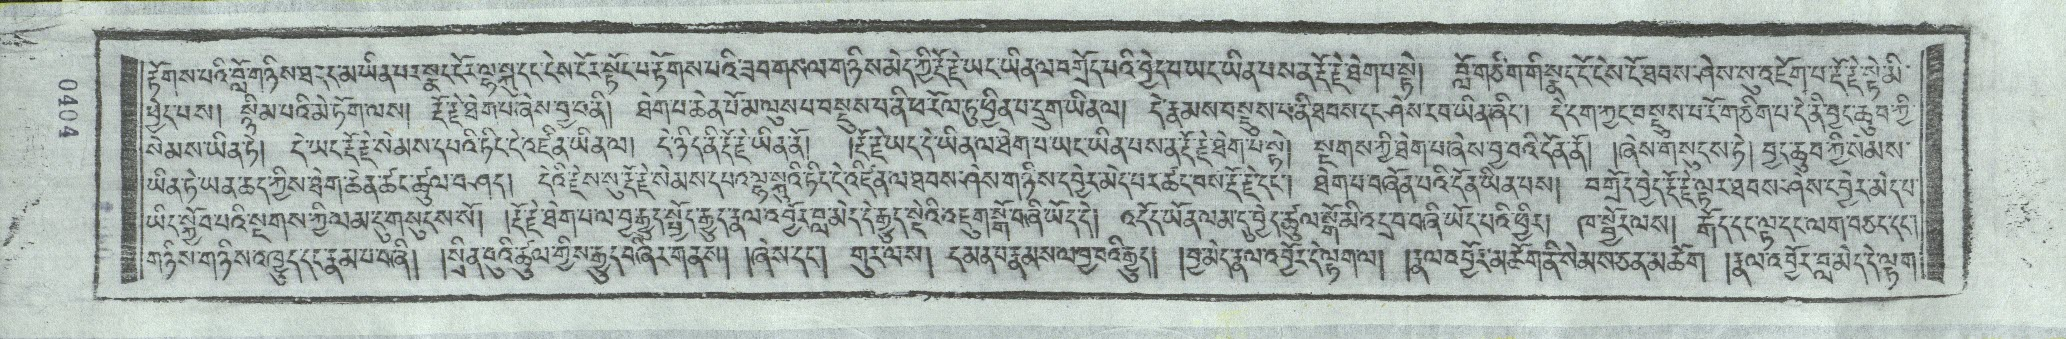རྟོགས་པའི་བློ་གཉིས་ཐ་དད་མ་ཡིན་པར་སང་ངོར་ལ་སྐྲ་དང་ངེས་ངོར་སྟོད་པ་རྟོགས་པའི་བབ་གསལ་གཉིས་མེད་ཀྱི་རྡོ་རྗེ་ཡང་ཡིན་ལ་བགྲོད་པའི་བྱེད་པ་ཡང་ཡིན་པས་ན་རྡོ་རྗེ་ཐེག་པ་སྟེ། བློ་གཅིག་གི་སྣང་ངོ་ངེས་ངོ་ཐབས་ཤེས་སུ་འཇོག་པ་རྡོ་རྗེ་སྟེ་མི་
ཕྱེད་པས། སྙིམ་པའི་མེ་ཏོག་ལས། རྡོ་རྗེ་ཐེག་པ་ཞས་བྱ་བ་ནི། ཐག་པ་ཆེན་པོ་མ་ལུས་པ་བསྡུས་པ་ནི་ཕ་རོལ་ཏུ་ཕྱིན་པ་དྲུག་ཡིན་ལ། དེ་རྣམས་བསྡུས་པ་ནི་ཐབས་དང་ཤེས་རབ་ཡིན་ཞིང་། དེ་དག་ཀྱང་བསྡུས་པ་རོ་གཅིག་པ་དེ་ནི་བྱང་ཆུབ་ཀྱི་
སེམས་ཡིན་ཏེ། དེ་ཡང་རྡོ་རྗེ་སེམས་དཔའི་ཏིང་ངེ་འཛིན་ཡིན་ལ། དེ་ཉིད་ནི་རྡོ་རྗེ་ཡིན་ནོ། །རྡོ་རྗེ་ཡང་དེ་ཡིན་ལ་ཐེག་པ་ཡང་ཡིན་པས་ན་རྡོ་རྗེ་ཐེག་པ་སྟེ། སྔགས་ཀྱི་ཐེག་པ་ཞེས་བྱ་བའི་དོན་ནོ། །ཞེས་གསུངས་ཏེ། བྱང་ཆུབ་ཀྱི་སེམས་
ཡིན་ཏེ་ཡན་ཆད་ཀྱིས་ཐེག་ཆེན་ཚང་ཚུལ་བཤད། དེའི་རྗེས་སུ་རྡོ་རྗེ་སེམས་དཔའ་ལྷ་སྐུའི་ཏིང་ངེ་འཛིན་ལ་ཐབས་ཤེས་གཉིས་དབྱེར་མེད་པར་ཚང་བས་རྡོ་རྗེ་དང་། ཐེག་པ་བཞོན་པའི་དོན་ཡིན་པས། བགྲོད་བྱེད་རྡོ་རྗེ་ལྟར་ཐབས་ཤེས་དབྱེར་མེད་པ་
ཡིད་སྐྱོབ་པའི་སྔགས་ཀྱི་ལམ་དུ་གསུངས་སོ། །རྡོ་རྗེ་ཐེག་པ་ལ་བྱ་རྒྱུད་སྤྱོད་རྒྱུད་རྣལ་འབྱོར་བླ་མེད་དེ་རྒྱུད་སྡེའི་འཇུག་སྒོ་བཞི་ཡོད་དེ། འདོད་ཡོན་ལམ་དུ་བྱེད་ཚུལ་སྒོ་མི་འདྲ་བ་བཞི་ཡོད་པའི་ཕྱིར། ཁ་སྦྱོར་ལས། རྒོད་དང་ལྟ་དང་ལག་བཅད་དང་།
གཉིས་གཉིས་འཁྱུད་དང་རྣམ་པ་བཞི། །སྲིན་བུའི་ཚུལ་གྱིས་རྒྱུད་བཞིར་གནས། །ཞེས་དང་། གུར་ལས། དམན་པ་རྣམས་ལ་བྱ་བའི་རྒྱུད། །བྱ་མེད་རྣལ་འབྱོར་དེ་ལྟག་ལ། །རྣལ་འབྱོར་མཆོག་ནི་སེམས་ཅན་མཆོག །རྣལ་འབྱོར་བླ་མད་དེ་ལྟག་